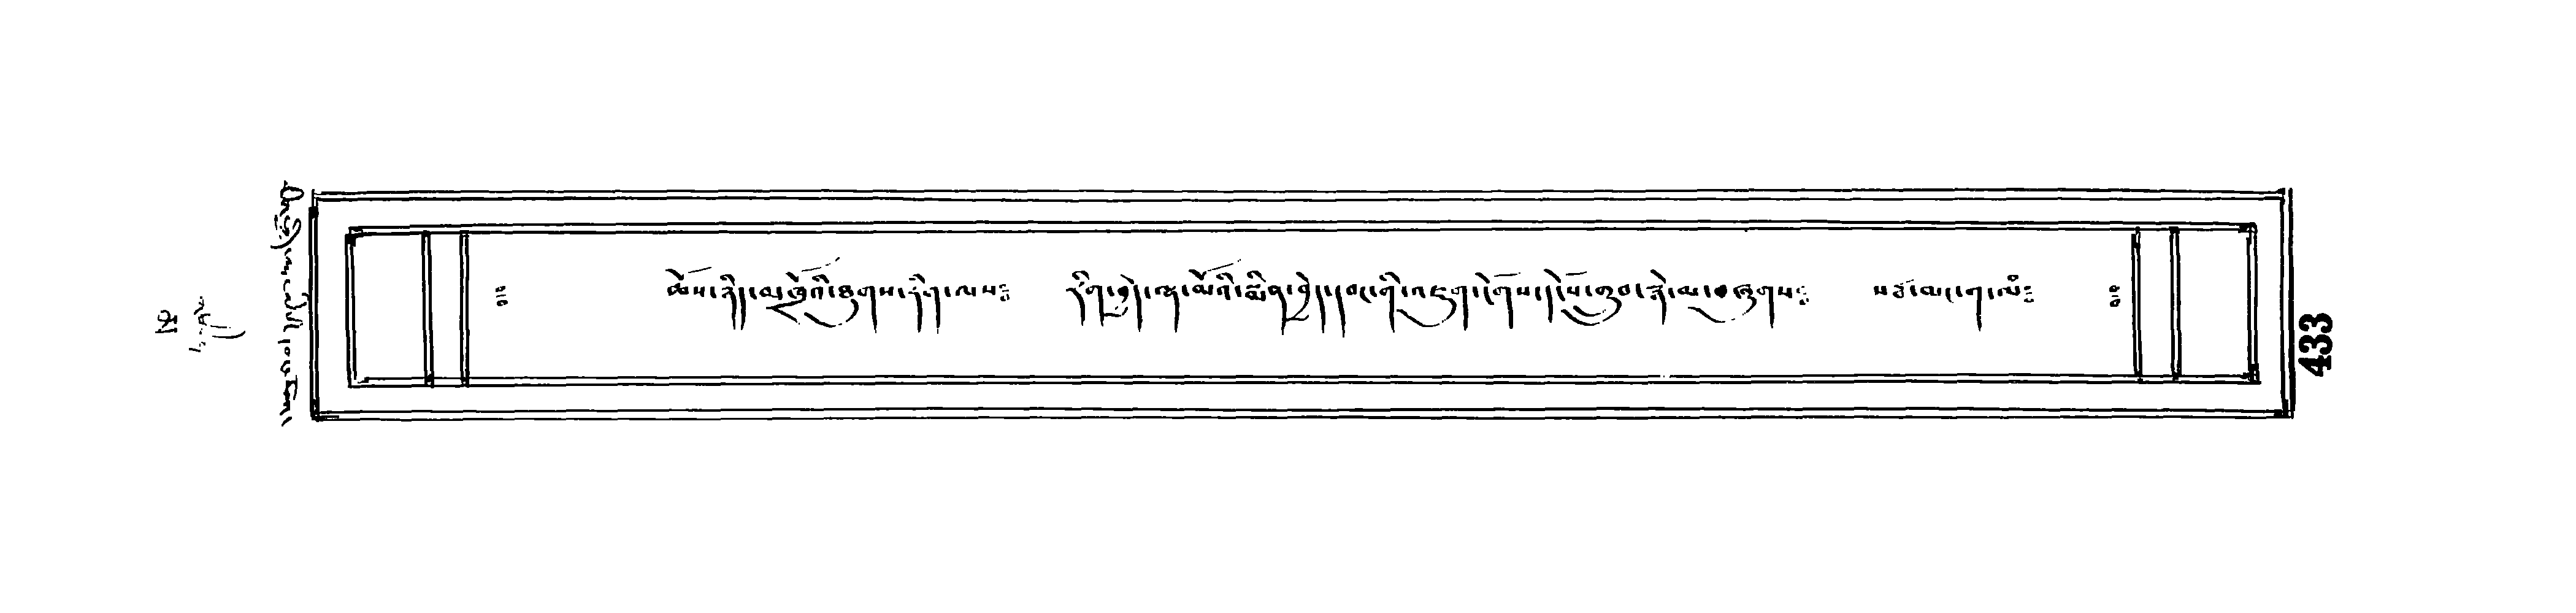ཆོས་ཉིད་མཁའ་འགྲོའི་ཐུགས་ཏིག་ལས༔ རིག་བྱེད་ལྷ་མོའི་སྨིན་བྱེད་དབང་གི་འཇུག་ངོགས་དངོས་གྲུབ་སྙེ་མ་བཞུགས༔ སརྦ་མངྒ་ལཾ༔